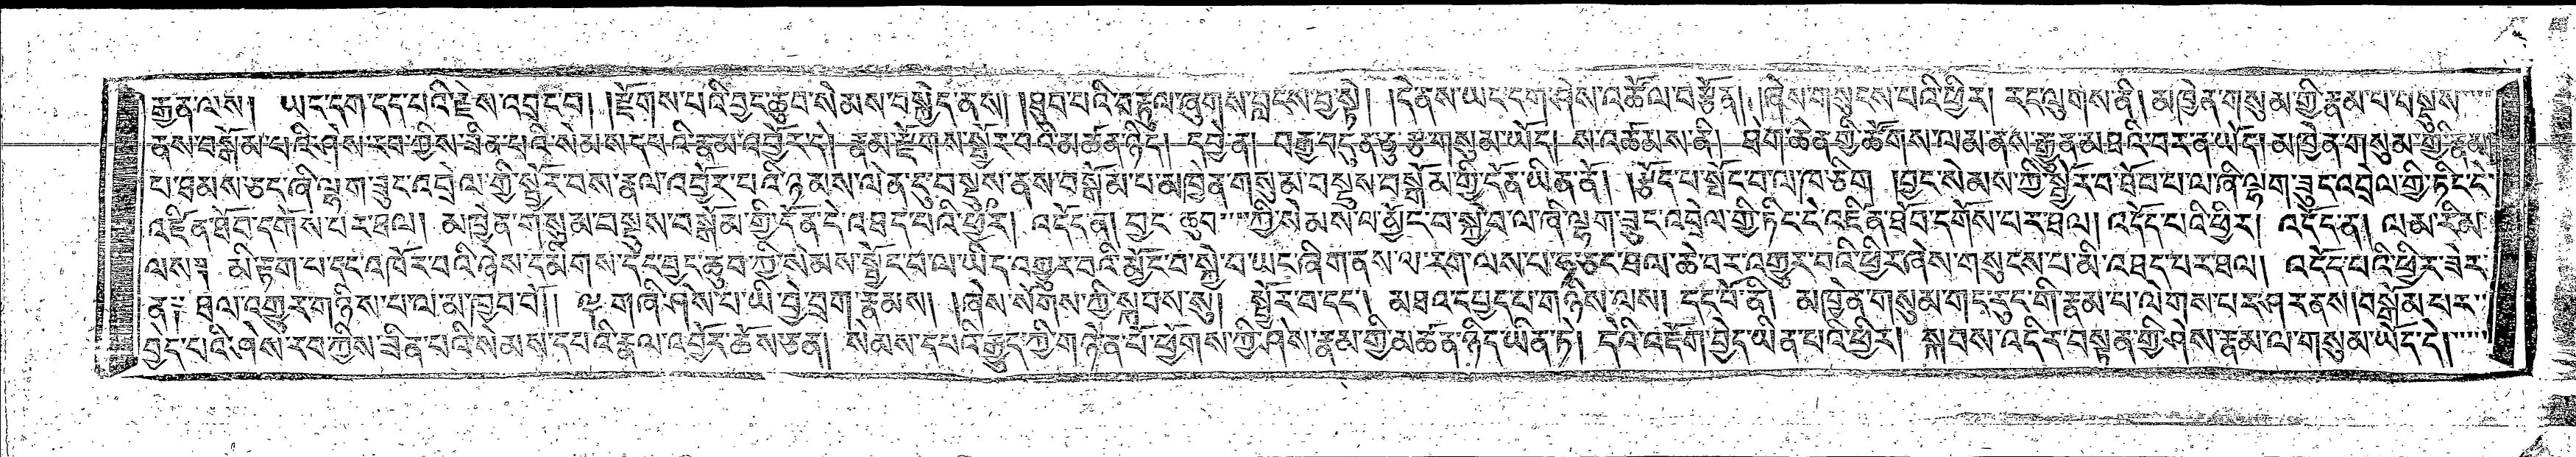རྒྱན་ལས། ཡང་དག་དད་པའི་རྗེས་འབྲངས་བ། །རྫོགས་པའི་བྱང་ཆུབ་སེམས་བསྐྱེད་ནས། །ཐུབ་པའི་བརྟུལ་ཞུགས་བླང་བྱས་སྟེ། །དེ་ནས་ཡང་དག་ཤེས་འཚོལ་བརྩོན། །ཞེས་གསུངས་པའི་ཕྱིར། རང་ལུགས་ནི། མཁྱེན་གསུམ་གྱི་རྣམ་པ་བསྡུས་
ནས་བསྒོམ་པའི་ཤེས་རབ་ཀྱིས་ཟིན་པའི་སེམས་དཔའི་རྣམ་འབྱོར་དེ། རྣམ་རྫོགས་སྦྱོར་བའི་མཚན་ཉིད། དབྱེ་ན། བརྒྱ་བདུན་ཅུ་རྩ་གསུམ་ཡོད། ས་འཚམས་ནི། ཐེག་ཆེན་གྱི་ཚོགས་ལམ་ནས་རྒྱུན་མཐའི་བར་ན་ཡོད། མཁྱེན་གསུམ་གྱི་རྣམ་
པ་ཐམས་ཅད་ཞི་ལྷག་ཟུང་འབྲེལ་གྱི་སྦྱོར་བས་རྣལ་འབྱོར་པའི་ཉམས་ལེན་དུ་བསྡུས་ནས་བསྒོམ་པ་མཁྱེན་གསུམ་བསྡུས་བསྒོམ་གྱི་དོན་ཡིན་ནོ། །རྩོད་པ་སྤོང་བ་ལ་ཁ་ཅིག །བྱང་སེམས་ཀྱི་སྦྱོར་བ་ཐོབ་པ་ལ་ཞི་ལྷག་ཟུང་འབྲེལ་གྱི་ཏིང་ངེ་
འཛིན་ཐོབ་དགོས་པར་ཐལ། མཁྱེན་གསུམ་བསྡུས་བསྒོམ་གྱི་དོན་དེ་འཐད་པའི་ཕྱིར། འདོད་ན། བྱང་ཆུབ་ཀྱི་སེམས་ལ་མྱོང་བ་སྐྱེ་བ་ལ་ཞི་ལྷག་ཟུང་འབྲེལ་གྱི་ཏིང་ངེ་འཛིན་ཐོབ་དགོས་པར་ཐལ། འདོད་པའི་ཕྱིར། འདོད་ན། ལམ་རིམ་
ལས༑ མི་རྟག་པ་དང་འཁོར་བའི་ཉེས་དམིགས་དང་བྱང་ཆུབ་ཀྱི་སེམས་སྦྱོང་བ་ལ་ཡིད་འགྱུར་བའི་མྱོང་བ་སྐྱེ་བ་ཡང་ཞིག་ནས་ལ་རག་ལས་པ་ཧ་ཅང་ཐལ་ཆེ་བར་འགྱུར་བའི་ཕྱིར་ཞེས་གསུངས་པ་མི་འཐད་པར་ཐལ། འདོད་པའི་ཕྱིར་ཟེར་
ན༑ ཐལ་འགྱུར་གཉིས་པ་ལ་མ་ཁྱབ་བོ། ། ༈ གཞི་ཤེས་པ་ཡི་བྱེ་བྲག་རྣམས། །ཞེས་སོགས་ཀྱི་སྐབས་སུ། སྦྱོར་བ་དང་། མཐའ་དཔྱད་པ་གཉིས་ལས། དང་པོ་ནི། མཁྱེན་གསུམ་གང་རུང་གི་རྣམ་པ་ལེགས་པར་ཤར་ནས། སྒོམ་པར་
བྱེད་པའི་ཤེས་རབ་ཀྱིས་ཟིན་པའི་སེམས་དཔའི་རྣལ་འབྱོར་ཆོས་ཅན། སེམས་དཔའི་རྒྱུད་ཀྱི་གཉེན་པོ་ཕྱོགས་ཀྱི་ཤེས་རྣམ་གྱི་མཚན་ཉིད་ཡིན་ཏེ། དེའི་འཇོག་བྱེད་ཡིན་པའི་ཕྱིར། སྐབས་འདིར་བསྟན་གྱི་ཤེས་རྣམ་ལ་གསུམ་ཡོད་དེ།